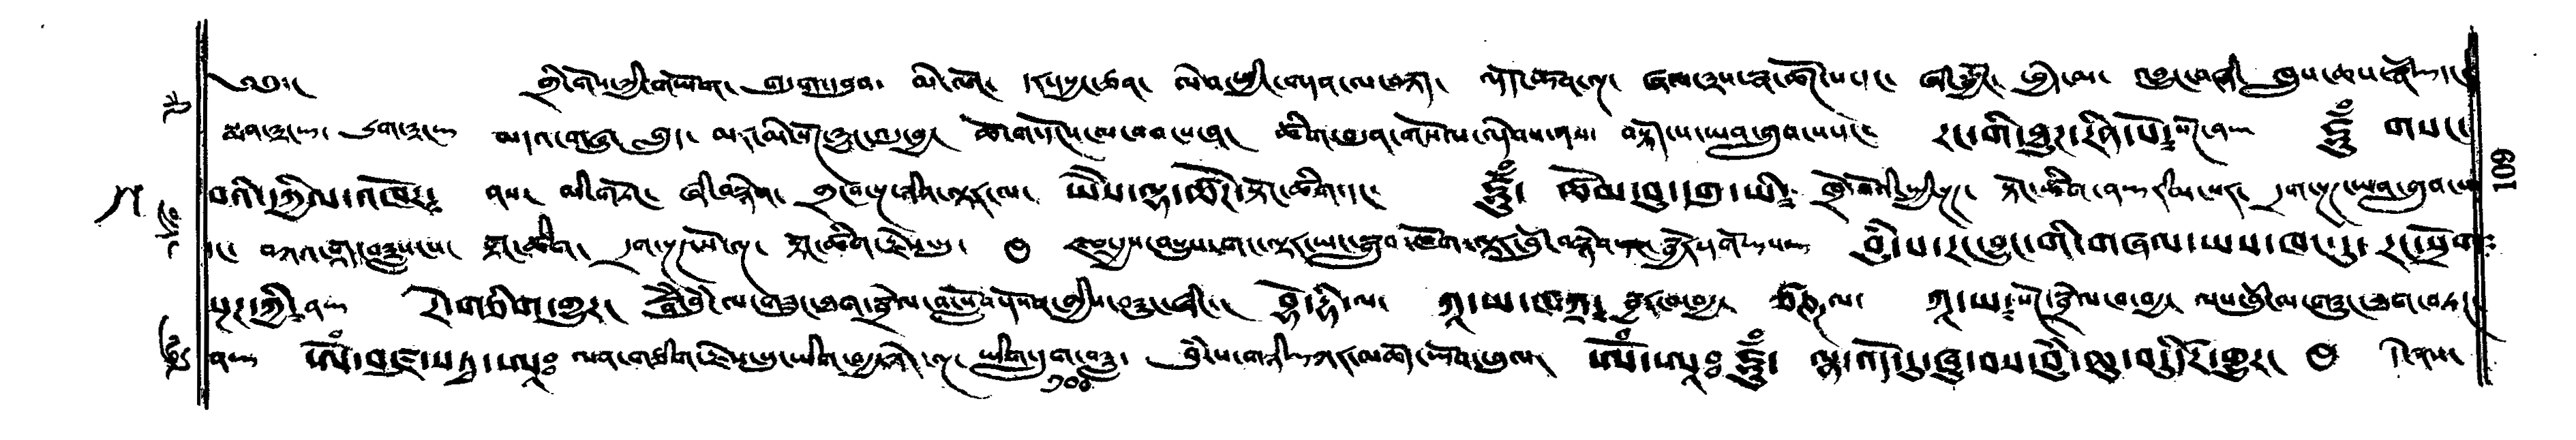༡༠༩༽ གྲི་གོས་ཀྱིས་གཡོག གདུགས་དབུབ། མེ་ལོང་དར་དཔྱང་ཅན་ལེབ་ཕྱིང་གདན་ལ་དགོན། འདོད་ཡོན་ལྔ། ཞལ་ཟས་སྣ་ཚོགས་པ་དང་།ཞི་སྦྱོང་། ཕྱེད་མ། འབྱུང་བཞི། ཁྲུས་ཆས་རྣམས་དང་། 
སྨན་ཟངས། དུག་ཟངས། མདའ་གཞུ། གླུད། མར་མེ་སོགས་ཀྱང་འདུ་བྱ། ཆོ་ག་དངོས་ལ་བབ་པ་ན། ཚིག་བདུན་གསོལ་འདེབས་ནས། བསྟོད་པ་ཡན་གྲུབ་པ་དང་། རང་གི་ཐུགས་རིན་པོ༴ སོགས་ནས། ཧཱུྃ༔ གསང་
བའི་དཀྱིལ་འཁོར༴ ནས། མི་གཏོང་ངོ༔ ཞི་སྙེན། གྲངས་སྔ་ཉིན་ལྟར་ལ། ཡེ་ཤེས་ལྷ་ཚོགས་སྟོང་ཚིག་དང་། ཧཱུྃ༔ ཚོམ་བུ་དགུ་ཡི༴ ཁྲོ་བོའི་སྤྱི་སྔགས། སྟོང་ཚིག་ནས་རིམ་པར། དྲག་སྔགས་ཡན་གྲུབ་པ་
དང་། བཀའ་སྡོད་བཟླས་པ། སྟོང་ཚིག དྲག་སྔགས་སོ་ལྔ། སྟོང་ཚིག་རྗེས་སུ། ཛབ་རྒྱས་བསྡུས་གང་ལྟར་ཡང་སྒྲུབ་ཁོག་ལྟར་བུམ་སྙེན་སྦྱོར་དགོས་པ། བུམ་པ་རང་བྱུང་གི་གཞལ་ཡས་ཁང་དུ་རང་སྲོག་
སྔགས་ཀྱི༴ ནས། རོ་གཅིག་ཏུ་གྱུར། རྣམ་བུམ་ལ་གཟུངས་ཐག་སྦྲེལ་བ་སློབ་དཔོན་གྱིས་བཟུང་ཞིང་། བྷོ་དྷི་ལ། ཀཱ་ཡ་ཝཀྟ༴ སྦྱར་བ་བརྒྱ། ཙནྜ ལ། ཀཱ་ཡ༴ སོགས་སྦྲེལ་བ་བརྒྱ། ལས་བུམ་ལ་གཟུངས་ཐག་བཏགས་
ནས། ཨོཾ་བཛྲ་ས་ཏྭ་ཨཱཿ ལན་གཅིག་རྗེས་སུ་ཡིག་བརྒྱ་སྟོང་ལྔ། ཡིག་དྲུག་བརྒྱ་བཟླ། བུམ་པ་གཉིས་ཀར་མཆོད་ཡོན་ཕུལ། ཨོཾ་ཨཱཿཧཱུྃ། ལྷ་འོད་དུ་ཞུ་བས་བུམ་ཆུ་བདུད་རྩིར་གྱུར། དེ་ནས་